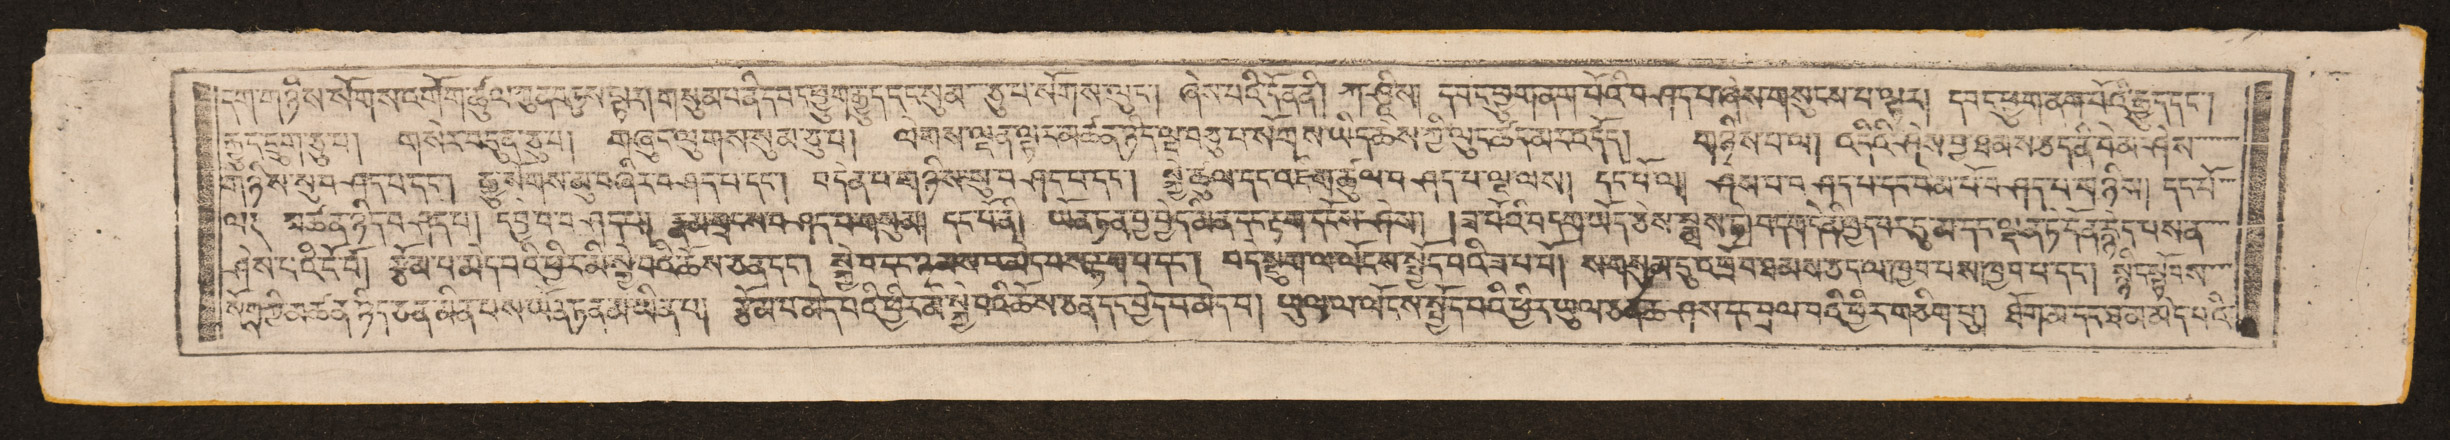དག་གཉིས་སོགས་འགོག་ཚུལ་ཀུན་བཏུས་ལྟར། གསུམ་པ་ནི་དབང་ཕྱུག་རྒྱུད་དང་སུམ་བཅུ་བ་སོགས་ལུང་། ཞེས་པའི་དོན་ནི། ཀ་ཤཱིས། དབང་ཕྱུག་ནག་པོའི་བཤད་པ་ཞེས་གསུངས་པ་ལྟར། དབང་ཕྱུག་ནག་པོའི་རྒྱུད་དང་།
རྒྱུད་དྲུག་ཅུ་བ། གསེར་བདུན་ཅུ་བ། གཞུང་ལུགས་སུམ་ཅུ་པ། ལེགས་ལྡན་ལྟར་མཚན་ཉིད་ལྔ་བཅུ་པ་སོགས་ཡིད་ཆེས་ཀྱི་ལུང་ཚད་མར་འདོད། གཉིས་པ་ལ། འདིའི་ཤེས་བྱ་ཐམས་ཅད་ནི་བེམ་ཤེས་
གཉིས་སུ་བཤད་པ་དང་། རྒྱུ་སོགས་མུ་བཞིར་བཤད་པ་དང་། བདེན་པ་གཉིས་སུ་བཤད་པ་དང་། སྐྱེ་ཚུལ་དང་འཇིག་ཚུལ་བཤད་པ་ལྔ་ལས། དང་པོ་ལ། ཤེས་པ་བཤད་པ་དང་བེམ་པོ་བཤད་པ་གཉིས། དང་པོ་
ལ༑ མཚན་ཉིད་བཤད་པ། དབྱེ་བ་བཤད་པ། རྣམ་གྲངས་བཤད་པ་གསུམ། དང་པོ་ནི། ཡོན་ཏན་བྱ་བྱེད་མིན་དང་རྟག་དངོས་ཤེས། །ཟ་བོའི་བདག་ཡོད་ཅེས་སྨྲས་ཏེ། བདག་དེ་ནི་ཁྱད་པར་དུ་མ་དང་ལྡན་ཏེ་དོན་རྙེད་པས་ན་
ཞེས་པའི་ངོ་བོ། རྩོམ་པ་མེད་པའི་ཕྱིར་མི་སྐྱེ་བའི་ཆོས་ཅན་དང་། སྐྱེ་བ་དང་ཉམས་པ་མེད་པས་རྟག་པ་དང་། བདེ་སྡུག་ལ་ལོངས་སྤྱོད་པའི་ཟ་བ་བོ། ས་གསུམ་དུ་འགྲོ་བ་ཐམས་ཅད་ལ་ཁྱབ་པས་ཁྱབ་པ་དང་། སྙིང་སྟོབས་
སོགས་ཀྱི་མཚན་ཉིད་ཅན་མིན་པས་ཡོན་ཏན་མ་ཡིན་པ། རྩོམ་པ་མེད་པའི་ཕྱིར་མི་སྐྱེ་བའི་ཆོས་ཅན་དང་བྱེད་པ་མེད་པ། ཡུལ་ལ་ལོངས་སྤྱོད་པའི་ཕྱིར་ཡུལ་ཅན་ཆ་ཤས་དང་བྲལ་བའི་ཕྱིར་གཅིག་པུ། ཐོག་མ་དང་ཐམ་མེད་པའི་